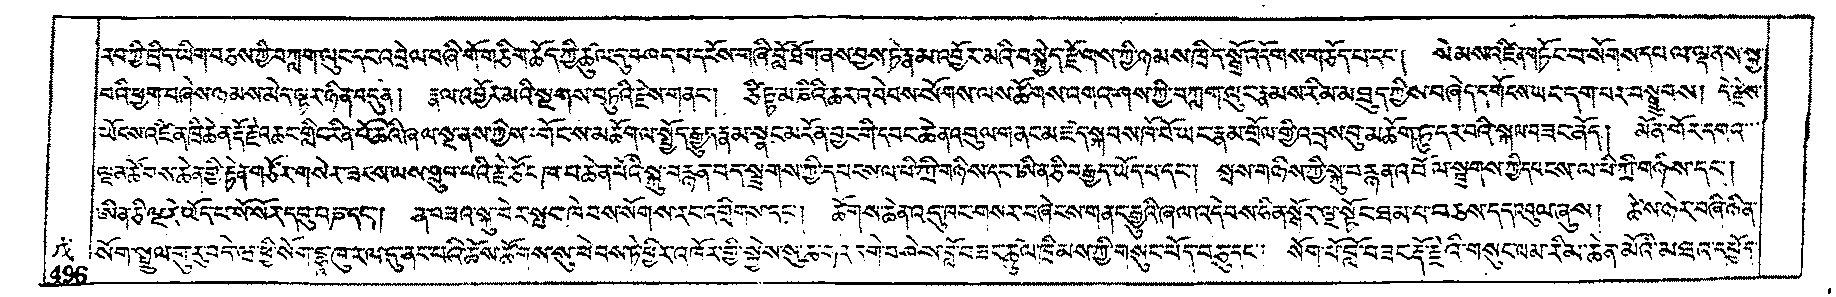རབ་ཀྱི་ཁྲིད་ཡིག་བཅས་ཀྱི་བཀླག་ལུང་དང་འབྲེལ་བཞི་གོ་གཅིག་ཆོད་ཀྱི་ཚུལ་དུ་བཤད་པ་དངོས་གཞི་བློ་ཐོག་ནས་བྱས་ཏེ་རྣམ་འབྱོར་མའི་བསྐྱེད་རྫོགས་ཀྱི་ཉམས་ཁྲིད་སྒྲོ་འདོགས་གཅོད་པ་དང་། སེམས་འཛིན་གཏོང་བ་སོགས་དཔལ་ལྡན་ས་སྐྱ་
བའི་ཕྱག་བཞེས་ཉམས་མེད་ལྟར་ཉིན་བདུན། རྣལ་འབྱོར་མའི་སྔགས་བཏུའི་རྗེས་གནང་། ཙིཏྟ་མ་ཎིའི་ཆར་འབེབས་སོགས་ལས་ཚོགས་འགའ་ཤས་ཀྱི་བཀླག་ལུང་རྣམས་རིམ་མཐུད་ཀྱིས་བཞེད་དགོངས་ཡང་དག་པར་བསྒྲུབས། དེ་རྗེས་
ཡོངས་འཛིན་ཁྲི་ཆེན་རྡོ་རྗེ་འཆང་གླིང་རིན་པོ་ཆེའི་ཞལ་སྔ་ནས་ཀྱིས་༧གོང་ས་མཆོག་ལ་སྤྱོད་རྒྱུད་རྣམ་སྣང་མངོན་བྱང་གི་དབང་ཆེན་འབུལ་གནང་མཛད་སྐབས་ཁོ་བོ་ཡང་རྣམ་གྲོལ་གྱི་འབྲས་བུ་མཆོག་ཏུ་དར་བའི་སྐལ་བཟང་ནོད། མོན་གོར་དགའ་
ལྡན་ཚོགས་ཆེན་གྱི་རྟེན་གཙོར་གསེར་ཟངས་ལས་གྲུབ་པའི་རྗེ་ཙོང་ཁ་པ་ཆེན་པོའི་སྐུ་བརྙན་པད་སྦྲགས་ཀྱི་དཔངས་ལ་ཕི་ཀྲི་གཉིས་དང་ཨིན་ཅི་བརྒྱད་ཡོད་པ་དང་། སྲས་གཉིས་ཀྱི་སྐུ་བརྙན་འབོལ་སྦྲགས་ཀྱི་དཔངས་ལ་ཕི་ཀྲི་གཉིས་དང་།
ཨིན་ཅི་ལྔ་རེ་ཡོད་པ་སོ་སོར་དབུ་པཎ་དང་། ན་བཟའ་སྐུ་བེར་སྤང་ཁེབས་སོགས་རང་འགྲིགས་དང་། ཚོགས་ཆེན་འདུ་ཁང་གསར་བཞེངས་གནང་རྒྱུའི་ཞལ་འདེབས་ཧིན་སྒོར་ལྔ་སྟོང་ཐམ་པ་བཅས་དད་འབུལ་ཞུས། ཚེས་ཉེར་བཞི་ཉིན་
སོག་སྤྲུལ་གུ་རུ་བདེ་ཝ་ཕྱི་སོགས་དྷཱ་ཁུ་རལ་དུ་ནང་པའི་ཆོས་ཚོགས་སུ་ཕེབས་ཏེ་ཕྱིར་འཁོར་གྱི་སྐྱེས་སུ་ཆ་ཧར་དགེ་བཤེས་བློ་བཟང་ཚུལ་ཁྲིམས་ཀྱི་གསུང་པོད་བཅུ་དང་། སོག་པོ་བློ་བཟང་རྡོ་རྗེའི་གསུང་ལམ་རིམ་ཆེན་མོའི་མཐའ་དཔྱོད་